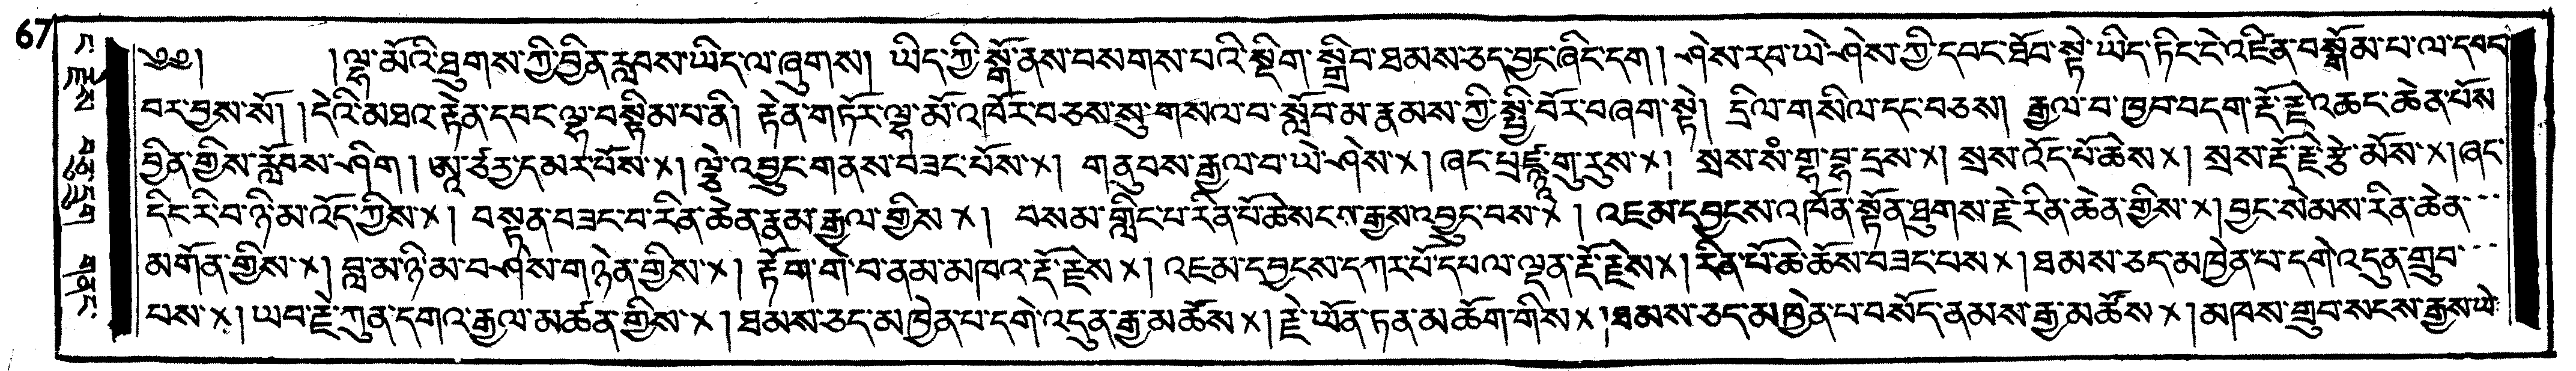༄༅། །ལྷ་མོའི་ཐུགས་ཀྱི་བྱིན་རླབས་ཡིད་ལ་ཞུགས། ཡིད་ཀྱི་སྒོ་ནས་བསགས་པའི་སྡིག་སྒྲིབ་ཐམས་ཅད་བྱང་ཞིང་དག །ཤེས་རབ་ཡེ་ཤེས་ཀྱི་དབང་ཐོབ་སྟེ་ཡིད་ཏིང་ངེ་འཛིན་བསྒོམ་པ་ལ་དབང་
བར་བྱས་སོ། །དེའི་མཐའ་རྟེན་དབང་ལྷ་བསྟིམ་པ་ནི། རྟེན་གཏོར་ལྷ་མོ་འཁོར་བཅས་སུ་གསལ་བ་སློབ་མ་རྣམས་ཀྱི་སྤྱི་བོར་བཞག་སྟེ། དྲིལ་གསིལ་དང་བཅས། རྒྱལ་བ་ཁྱབ་བདག་རྡོ་རྗེ་འཆང་ཆེན་པོས་
བྱིན་གྱིས་རློབས་ཤིག །ཨཱ་ཙརྱ་དམར་པོས། ལྕེ་འབྱུང་གནས་བཟང་པོས། གནུབས་རྒྱལ་བ་ཡེ་ཤེས། ཞང་པྲཛྙཱ་གུ་རུས། སྲས་སཾ་གྷ་བྷ་དྲས། སྲས་འོད་པོ་ཆེས། སྲས་རྡོ་རྗེ་རྩེ་མོས། ཞང་
དིང་རི་བ་ཉི་མ་འོད་ཀྱིས། བསྟན་བཟང་བ་རིན་ཆེན་རྣམ་རྒྱལ་གྱིས། བསམ་གླིང་པ་རིན་པོ་ཆེ་སངས་རྒྱས་འབྱུང་བས། འཇམ་དབྱངས་འཁོན་སྟོན་ཐུགས་རྗེ་རིན་ཆེན་གྱིས། །བྱང་སེམས་རིན་ཆེན་
མགོན་གྱིས། བླ་མ་ཉི་མ་བཤེས་གཉེན་གྱིས། །རྟོག་གེ་བ་ནམ་མཁའ་རྡོ་རྗེས། འཇམ་དབྱངས་དཀར་པོ་དཔལ་ལྡན་རྡོ་རྗེས། རིན་པོ་ཆེ་ཆོས་བཟང་པས། ཐམས་ཅད་མཁྱེན་པ་དགེ་འདུན་གྲུབ་
པས། ཡབ་རྗེ་ཀུན་དགའ་རྒྱལ་མཚན་གྱིས། ཐམས་ཅད་མཁྱེན་པ་དགེ་འདུན་རྒྱ་མཚོས། རྗེ་ཡོན་ཏན་མཆོག་གིས། ཐམས་ཅད་མཁྱེན་པ་བསོད་ནམས་རྒྱ་མཚོས། མཁས་གྲུབ་སངས་རྒྱས་ཡེ་